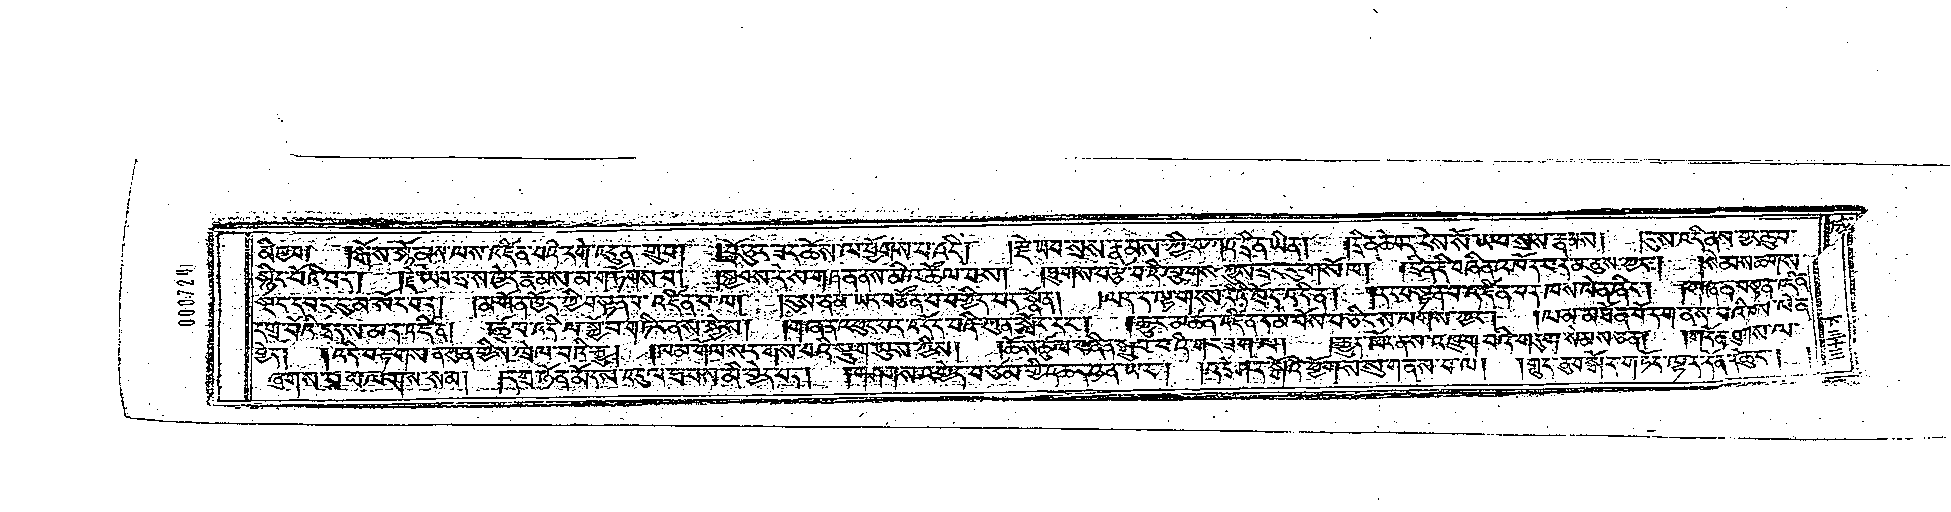མི་ཁྱབ། །སྒོས་སྙོམས་ལས་འཛིན་པའི་དགེ་འདུན་གྲུབ། །བློ་ཅུང་ཟད་ཆོས་ལ་ཕྱོགས་པ་འདི། །རྗེ་ཡབ་སྲས་རྣམས་ཀྱི་བཀའ་དྲིན་ཡིན། །དྲིན་ཆེ་བར་ངེས་སོ་ཡབ་སྲས་རྣམས། །དུས་འདི་ནས་བྱང་ཆུབ་
སྙིང་པོའི་བར། །རྗེ་ཡབ་སྲས་ཁྱེད་རྣམས་མ་གཏོགས་བ། །སྐྱབས་རེས་གཞན་ནས་མི་འཚོལ་བས། །ཐུགས་བརྩེ་བའི་ལྕགས་ཀྱུས་དྲང་དུ་གསོལ། །དྲིན་ཇི་བཞིན་འཁོར་བར་མ་ནུས་ཀྱང་། །སེམས་ཆགས་
སྡང་དབང་དུ་མ་སོང་བར། །མགོན་ཁྱོད་ཀྱི་བསྟན་བ་འཛིན་པ་ལ། །དུས་ནམ་ཡང་བརྩོན་པ་བགྱིད་པར་སྣོན། །ལང་ད་ལྟ་གངས་རིའི་ཁྲོད་འདི་ན། །དང་བསྟན་བ་འཛིན་པར་ཁས་ལེན་ཞིང་། །གཞན་བསྟན་འཛིན་
དགྲ་པོའི་དྭངས་མར་འཛིན། །ཚུལ་འདི་ལ་སྐྱོབ་གཏིང་ནས་སྐྱེས། །གཞན་འཕུང་བར་འདོད་པའི་ཀུན་སློང་དང་། །རྒྱུད་མཚན་འཛིན་དམ་བོས་བཅིང་ས་ལགས་ཀྱང་། །ལམ་མཐོན་པོར་གནས་པའི་ཁས་ལེན་
བྱེད། །འདི་བརྟགས་ན་ཀུན་གྱིས་ཁྲེལ་བའི་རྒྱུ། །ཁམ་གོལ་སར་རྒས་པའི་སྡུག་ཡུས་ཀྱིས། །ཆོས་ཚུལ་བཞིན་སྒྲུབ་པའི་གང་ཟག་ལ། །རྒྱུད་ཁོང་ནས་འཁྲུག་བའི་གདུག་སེམས་ཅན། །གདོན་ཐུགས་ལ་
ཞུགས་བ་མ་ལགས་སམ། །དགྲ་ཉོན་མོངས་འདུལ་ཐབས་མི་བྱེད་པར། །གཤགས་འགྱེད་བ་ཙམ་གྱི་འཆད་ཉན་ཡང་། །འདྲེ་ཤར་སྒོའི་ཕྱོགས་སུ་གནས་བ་ལ། །གླུང་ནུབ་སྒོར་གཏོར་ལྷར་དོན་རེ་ཆུང་། །